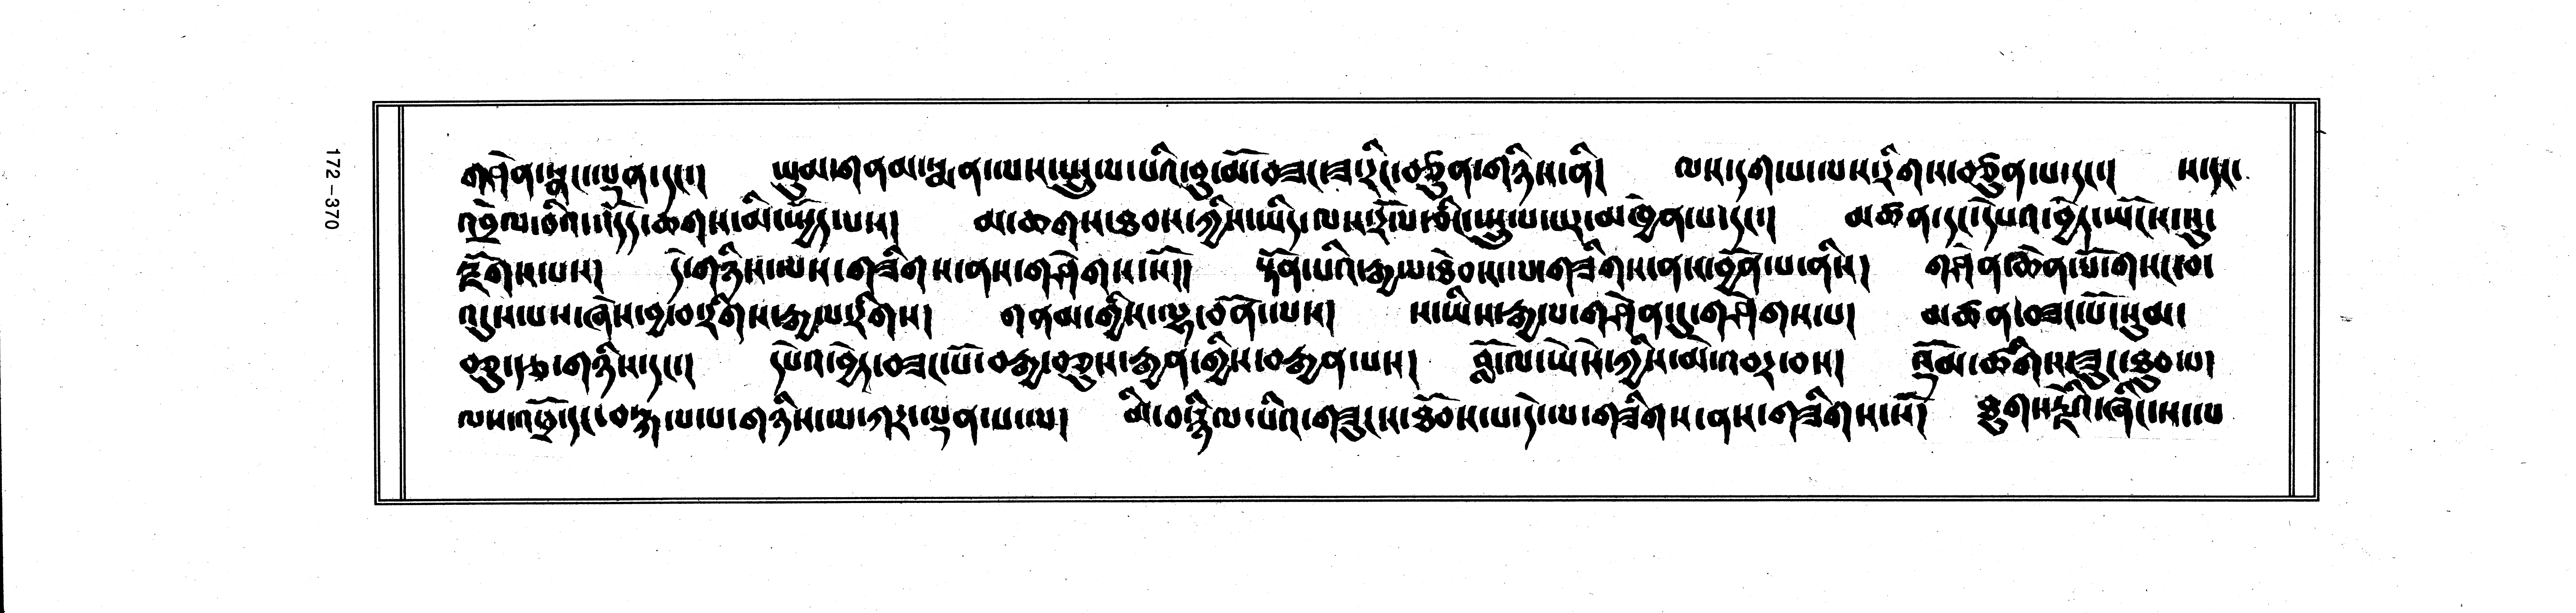གཤེན་སྣང་ལྡན་དང་། ཡུམ་གནམ་སྨན་ལས་སྤྲུལ་པའི་བུ་མོ་བཟང་ཟ་རིང་བཙུན་གཉིས་ནི། ལས་དག་པ་ལས་རིགས་བཙུན་པ་དང་། ས་དང་
འབྲེལ་བའི་འདོད་ཆགས་མི་སྤྱོད་པས། མ་ཆགས་ཐབས་ཀྱིས་ཡིད་ལས་རོལ་ཅིང་སྤྲུལ་པར་མཁྱེན་པ་དང་། མཚན་དང་དཔེའ་བྱེད་ཡོངས་སུ་
རྫོགས་པས། དེ་གཉིས་ལས་གཟིགས་ནས་གཤེགས་སོ། སྟོན་པའི་རྒྱལ་ཐེབས་ལ་གཟིགས་ནས་བྱོན་པ་ནིས། གཤེན་ཆེན་པོ་གསང་བ་
འདུས་པས་ཞེས་བྱ་བ་རིགས་རྒྱལ་རིགས། གནམ་གྱིས་ལྷ་བོན་ལས། ས་ཡིས་རྒྱལ་གཤེན་དུ་གཤེགས་པ། མཚན་བཟང་པོ་སུམ་
བཅུ་རྩ་གཉིས་དང་། དཔེའ་བྱེད་བཟང་པོ་བརྒྱ་བཅུས་རྒྱན་གྱིས་བརྒྱན་པས། བློ་ལ་ཡེ་ཤེས་ཀྱིས་མེ་འབར་བས། སྡོམ་ཚིགས་ཟུང་ཐུབ་པ། 
ལས་འཕྲོ་དང་བསྐལ་པ་གཉིས་ལ་སྐལ་ལྡན་པ་ལ། མི་བསྙིལ་པའི་གཟུངས་ཐོབས་པ་དེ་ལ་གཟིགས་ནས་གཟིགས་སོ། ཐུགས་རྗེའི་ཞིང་ས་ལས་